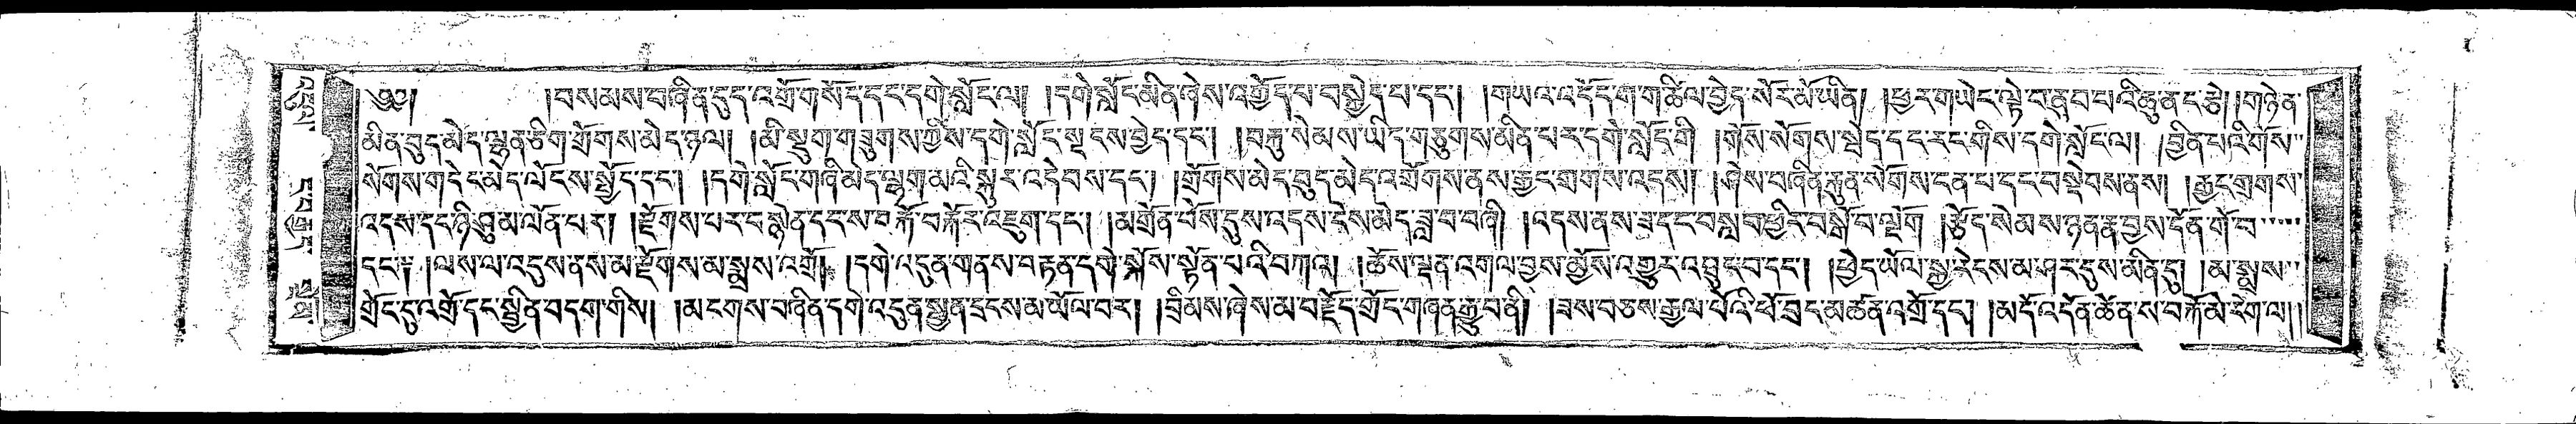༄༅། །བསམས་བཞིན་དུད་འགྲོ་གསོད་དང་དགེ་སློང་ལ། །དགེ་སློང་མིན་ཞེས་འགྱོད་པ་བསྐྱེད་པ་དང་། །གཡའ་འདོད་ག་ག་ཚིལ་བྱེད་སོར་མོ་ཡིན། །ཕྱར་གཡེང་ལྟེ་བ་ནུབ་པའི་ཆུ་ནང་རྩེ། །གཉེན་
མིན་བུད་མེད་ལྷན་ཅིག་གྲོགས་མེད་ཉལ། །མི་སྡུག་གཟུགས་ཀྱིས་དགེ་སློང་སྡངས་བྱེད་དང་། །བརྐུ་སེམས་ཡིད་བཅུགས་མིན་པར་དགེ་སློང་གི །གོས་སོགས་སྦེད་དང་རང་གིས་དགེ་སློང་ལ། །བྱིན་པའི་གོས་
སོགས་གདེང་མེད་ལོངས་སྤྱོད་དང་། །དགེ་སློང་གཞི་མེད་ལྷག་མའི་སྐུར་འདེབས་དང་། །གྲོགས་མེད་བུད་མེད་འགྲོགས་ནས་རྒྱང་གྲངས་འདས། །ཤེས་བཞིན་རྐུན་སོགས་ངན་པ་དང་བསྡེབས་ནས། །རྒྱང་གྲགས་
འདས་དང་ཉི་ཤུ་མ་ལོན་པར། །རྫོགས་པར་བསྙེན་དང་ས་བརྐོ་བརྐོར་འཇུག་དང་། །མགྲོན་བོས་དུས་འདས་ངེས་མེད་ཟླ་བ་བཞི། །འདས་ནས་ཟ་དང་བསླབ་ཕྱིར་བསྒོ་བ་ལྔོག །རྩོད་སེམས་ཉན་རྣ་བྱས་དོན་གོ་བ་
དང༑ །ལས་ལ་འདུས་ནས་མ་རྫོགས་མ་སྨྲས་འགྲོ། །དགེ་འདུན་གནས་བརྟན་དགེ་སྐོས་སྟོན་པའི་བཀའ། །ཆོས་ལྡན་འགལ་བྱས་མྱོས་འགྱུར་འཐུང་བ་དང་། །ཕྱེད་ཡོལ་སྐྱ་རེངས་མ་ཤར་དུས་མིན་དུ། །མ་སྨྲས་
གྲོང་དུ་འགྲོ་དང་སྦྱིན་བདག་གིས། །མངགས་བཞིན་དགེ་འདུན་སྤྱན་དྲངས་མ་ཡོལ་བར། །བྲིམས་ཞེས་མ་བརྗོད་གྲོང་གཞན་རྒྱུ་བ་ནི། །ཟས་བཅས་རྒྱལ་པོའི་ཕོ་བྲང་མཚན་འགྲོ་དང་། །མདོ་འདོན་ཚེ་ནས་ས་བརྐོ་མེ་རེག་ལ། །